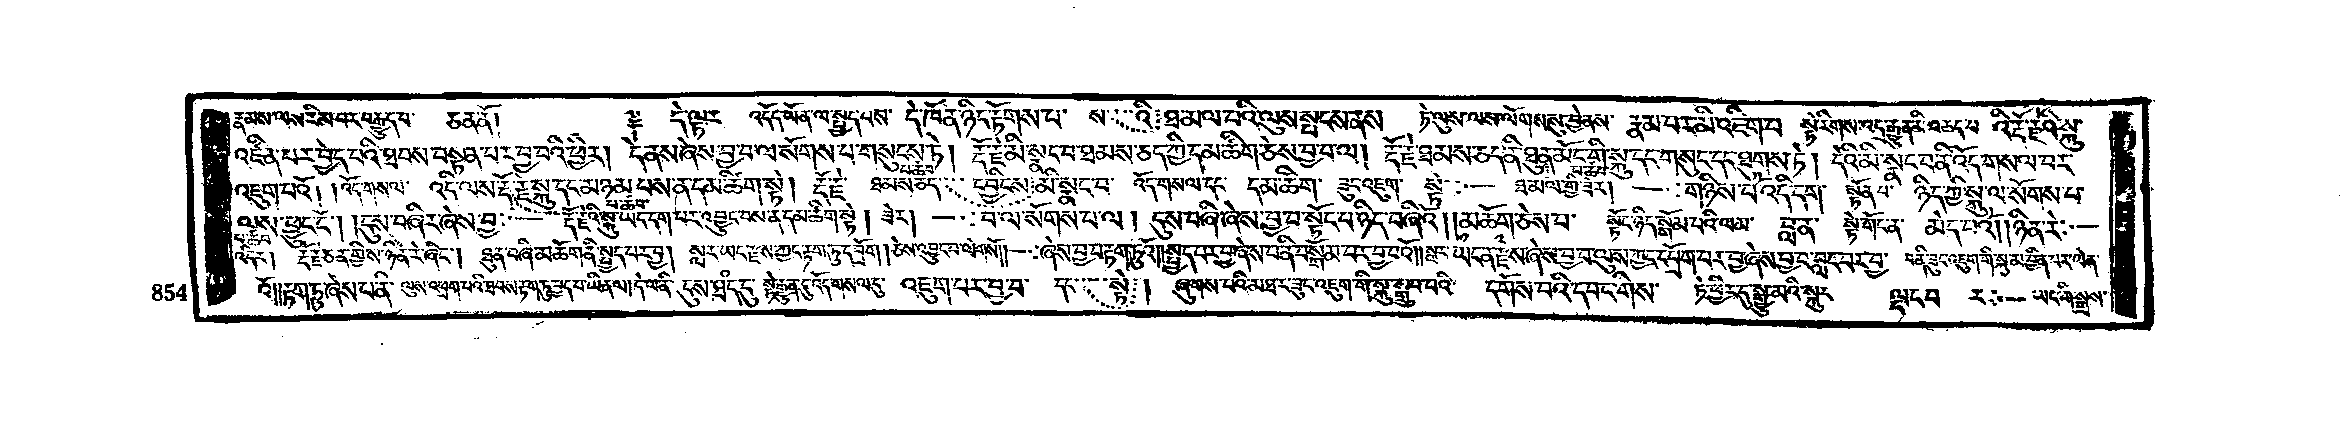རྣམས་ལས་རིམ་པར་བརྒྱུད་པ་ཅན་ནོ།། ༈ དེ་ལྟར་འདོད་ཡོན་ལ་སྤྱད་པས་དེ་ཁོ་ན་ཉིད་རྟོགས་པ་སའི་ཐ་མལ་པའི་ལུས་སྤངས་ནས་ཏེ་ལུས་ལས་ལོགས་སུ་བྱེ་ནས་རྣམ་པར་མི་འཇིག་པ་སྟེ་རིགས་འདྲ་རྒྱུན་མི་འཆད་པའི་རྡོ་རྗེའི་སྐུ་
འཛིན་པར་བྱེད་པའི་ཐབས་བསྟན་པར་བྱ་བའི་ཕྱིར། དེ་ནས་ཞེས་བྱ་བ་ལ་སོགས་པ་གསུངས་ཏེ། རྡོ་རྗེ་མི་སྣང་བ་ཐམས་ཅད་ཀྱི་དམ་ཚིག་ཅེས་བྱ་བ་ལ། རྡོ་རྗེ་ཐམས་ཅད་ནི་ཐུན་མོང་གི་སྐུ་དང་གསུང་དང་ཐུགས་ཏེ། དེའི་མི་སྣང་བ་ནི་འོད་གསལ་བར་
འཇུག་པའོ། ། འོད་གསལ་འདི་ལས་རྡོ་རྗེ་སྐུ་དང་མཉམ་པས་ན་དམ་ཚིག་སྟེ། རྡོ་རྗེ་པ་ཚབ་ཐམས་ཅད་དབྱིངས་མི་སྣང་བ་འོད་གསལ་དང་དམ་ཚིག་ཟུང་འཇུག་སྟེཿ་ཐ་མལ་གྱི་པ་ཚབ་ཟེར། .H གཉིས་པོ་འདི་དག་སྟོན་པ་ཉིད་ཀྱི་སྐུ་ལ་སོགས་པ་
ལས་ཕྱུང་ངོ། །དུས་བཞིར་ཞེས་བྱཿ་རྡོ་རྗེའི་སྐུ་པ་ཚབ་ཡང་དག་པར་འབྱུང་བས་ན་དམ་ཚིག་སྟེ། ཟེར། .H བ་ལ་སོགས་པ་ལ། དུས་བཞི་ཞེས་བྱ་བ་སྟོང་པ་ཉིད་བཞིའོ། །མཆོག་ཅེས་པ་སྟོང་ཉིད་སྒོམ་པའི་ལམ་བླ་ན་སྟེ་གོང་ན་མེད་པའོ། །ཉིན་རེཿ
པ་ཚབ་འདིར། རྡོ་རྗེ་ཅན་གྱིས་ཉིན་རེ་ཞིང་། ཐུན་བཞི་མཆོག་ནི་སྤྱད་པར་བྱ། སླར་ཡང་རྫས་ཀྱང་རྟག་ཏུ་དབྲོག །ཅེས་འབྱུང་བ་ལེགས་སོ།། .H ཞེས་བྱ་བ་རྟག་ཏུའོ། །སྤྱད་པར་བྱ་ཞེས་པ་ནི་བསྒོམ་པར་བྱ་བའོ། ། སླར་༡་ཡང་ན ༢་རྫས་ཞེས་བྱ་བ་ལུས་ཀྱང་དཔྲོག་པར་བྱ་ཞེས་བྱ་བ་བླང་བར་བྱ་བ་ནི་ཟུང་འཇུག་གི་སྐུ་མ་བྱིན་པར་ལེན་
པའོ། །རྟག་ཏུ་ཞེས་པ་ནི་ལུས་འཕྲག་པའི་ཐབས་རྟག་ཏུ་བྱད་པ་ཡིན་ལ། དེ་ལ་ནི་དུས་ཐམས་ཅད་དུ་སྟེ་རྒྱུན་དུ་འོད་གསལ་དུ་འཇུག་པར་བྱ་བ་དང་སྟེ། ཞུགས་པའི་མཐར་ཟུང་འཇུག་གི་སྐུ་སྒྲུབ་པའི་དགོས་པའི་དབང་གིས་ཏེ་ཕྱིར་དུ་སྒྱུ་མའི་སྐུར་ལྡང་བར་H.་ཡང་གི་སྒྲས་